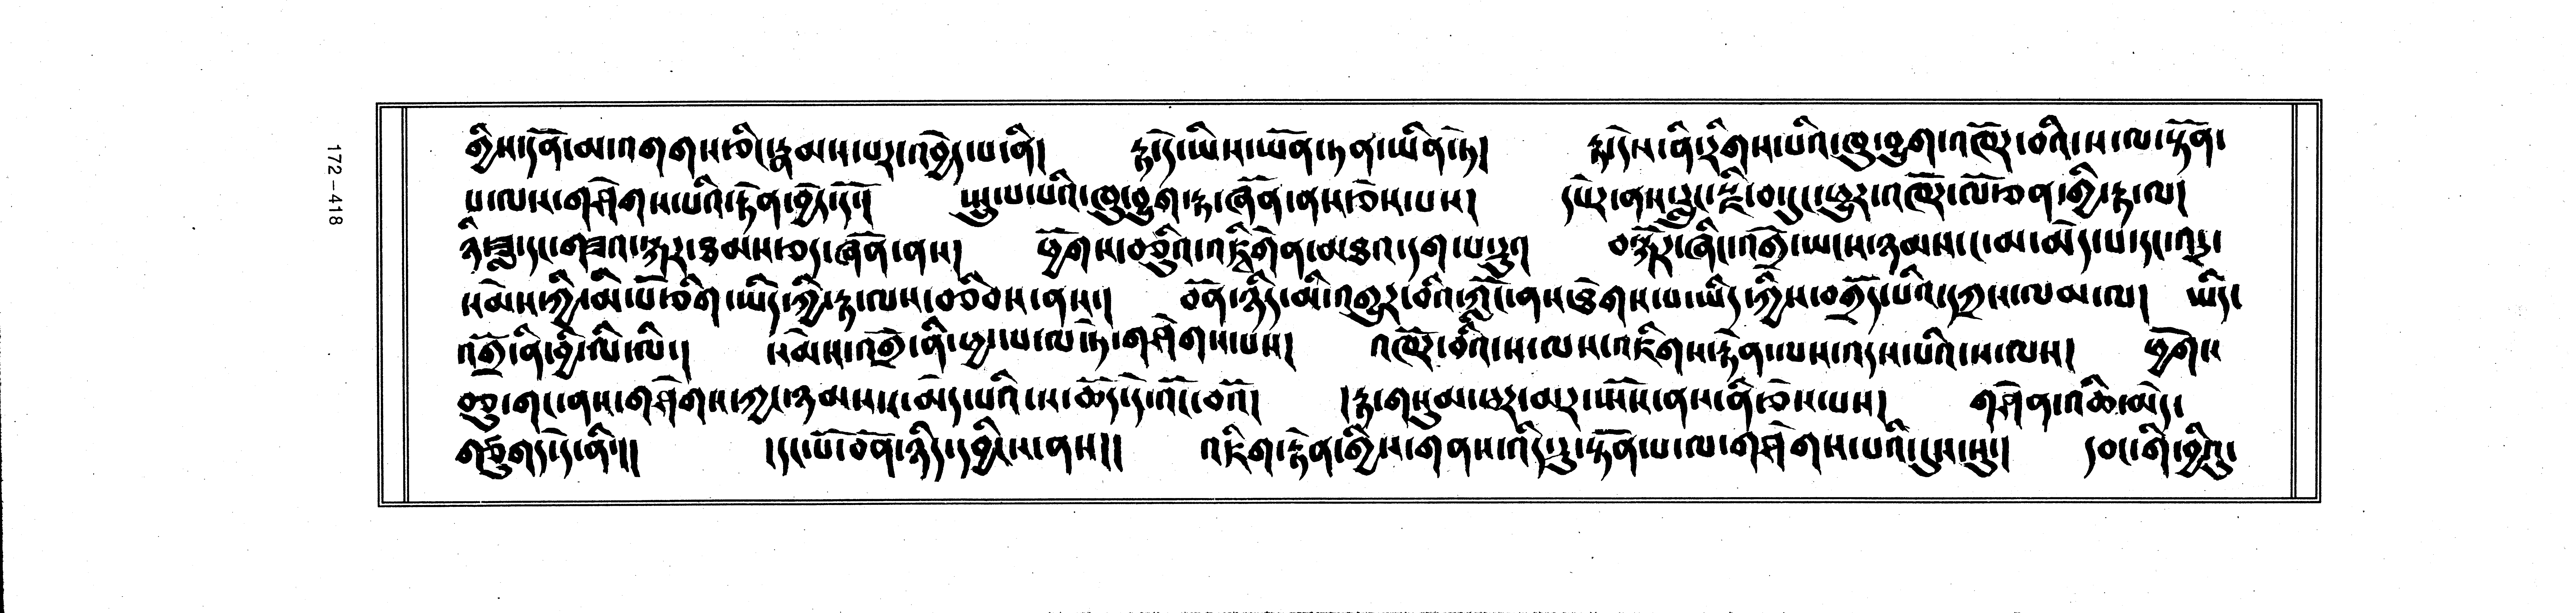གྱིས་དོན་མ་འགགས་ཅིང་རྣམ་པར་འབྱེད་པ་ནི། རྟ་དེ་ཡིས་ཡོན་ཏན་ཡིན་ཏེ། རྟ་དེས་ནི་རིགས་པའི་ཁུ་བྱུག་འཁོར་བའི་ས་ལ་སྟོན་
པ་ལས་གཤེགས་པའི་རྟེན་བྱེད་དོ། སྤྲུལ་པའི་ཁུ་བྱུག་རྟ་ཞོན་ནས་ཅེས་པས། དཔེར་ནས་རླུང་རྫི་བ་དུང་ཕྱུར་འཁོར་ལོ་ཅན་གྱི་རྟ་ལ། 
ཉི་ཟླ་དང་གཟའ་སྐར་ཐམས་ཅད་ཞོན་ནས། ཕྱོགས་བཅུའི་འཇིག་རྟེན་མཐའ་དག་པ་རུ། བསྐོར་ཞིང་འགྲོ་ཡང་ཉམས་ང་བ་མེད་པ་དང་འདྲ། 
སེམས་ཀྱི་མི་པོ་ཅིག་ཡིད་ཀྱི་རྟ་ལས་བཅིབས་ནས། བོན་ཉིད་མི་འགྱུར་བའི་ཀློང་ནས་ཐེག་པ་ཡིད་ཀྱིས་བགྲོད་པའི་དཀྲས་ལམ་ལ། ཡིད་
འགྲོ་ནི་བྱི་ལི་ལི། སེམས་འགྲོ་ནི་ཕྱ་ལ་ལ་ཏེ་གཤེགས་པས། འཁོར་བའི་ས་ལས་འཇིགས་རྟེན་ལས་འདས་པའི་ས་ལས། ཕྱོགས་
བཅུ་གང་ནས་གཤེགས་ཀྱང་ཉམས་ང་མེད་པའི་ས་ཆོད་དེ་འོང་བའོ། རྟ་གསུམ་ཕར་མར་སྤོས་ནས་ནི་ཅེས་པས། གཤེན་འཆི་མེད་
གཙུག་ཕུད་དེ་ནི། དང་པོ་བོན་ཉིད་དབྱིངས་ནས། འཇིག་རྟེན་གྱིས་གནས་འདི་རུ་སྟོན་པ་ལ་གཤེགས་པའི་དུས་སུ། དབང་གི་བྱིའུ་